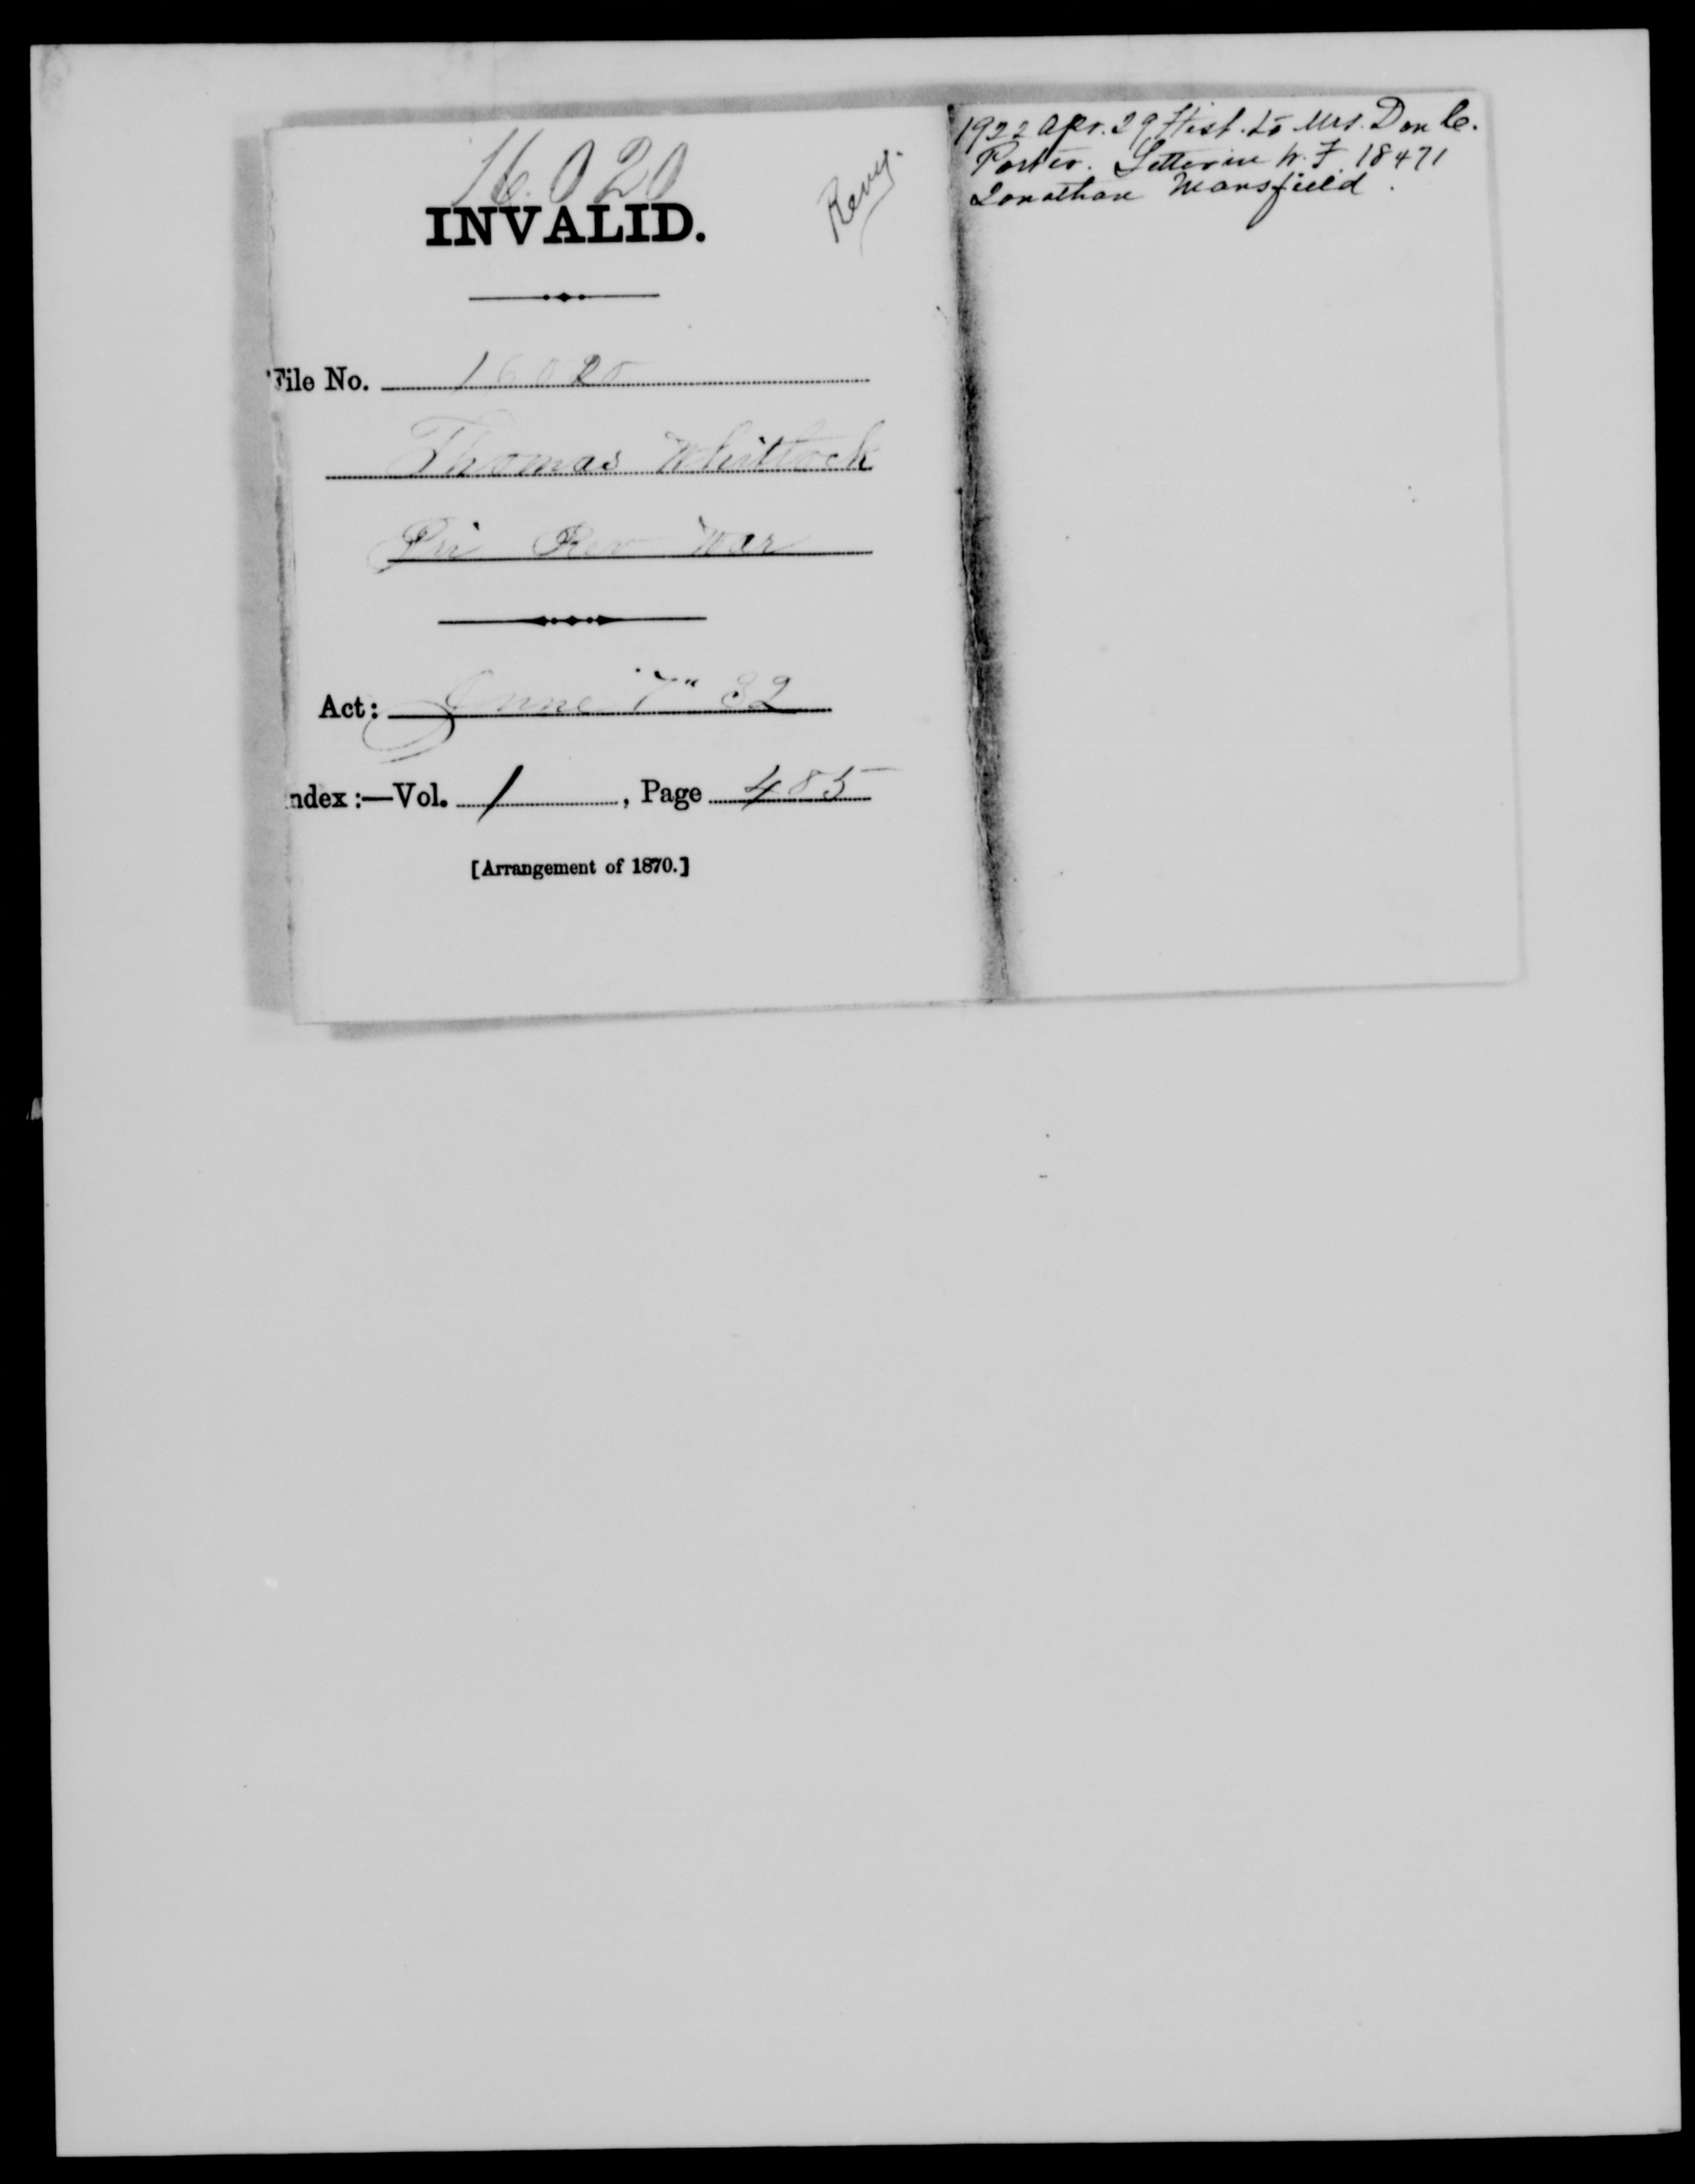16020        Revy. {written at angle on paper}
INVALID
File No. 16020
Thomas Whitlock
Pri  Rev  War
Act. June 7th 32
Index:-Vol. 1, Page 485
[Arrangement of 1870]

1922 Apr. 29 Hist. to Mrs Dan C. 
Porter.  Letter in W.F. 18471
Jonathan Mansfield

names: Thomas Whitlock, Dan C Porter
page: 18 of 32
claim: survivor's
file: S. 16020, Thomas Whitlock, Va.